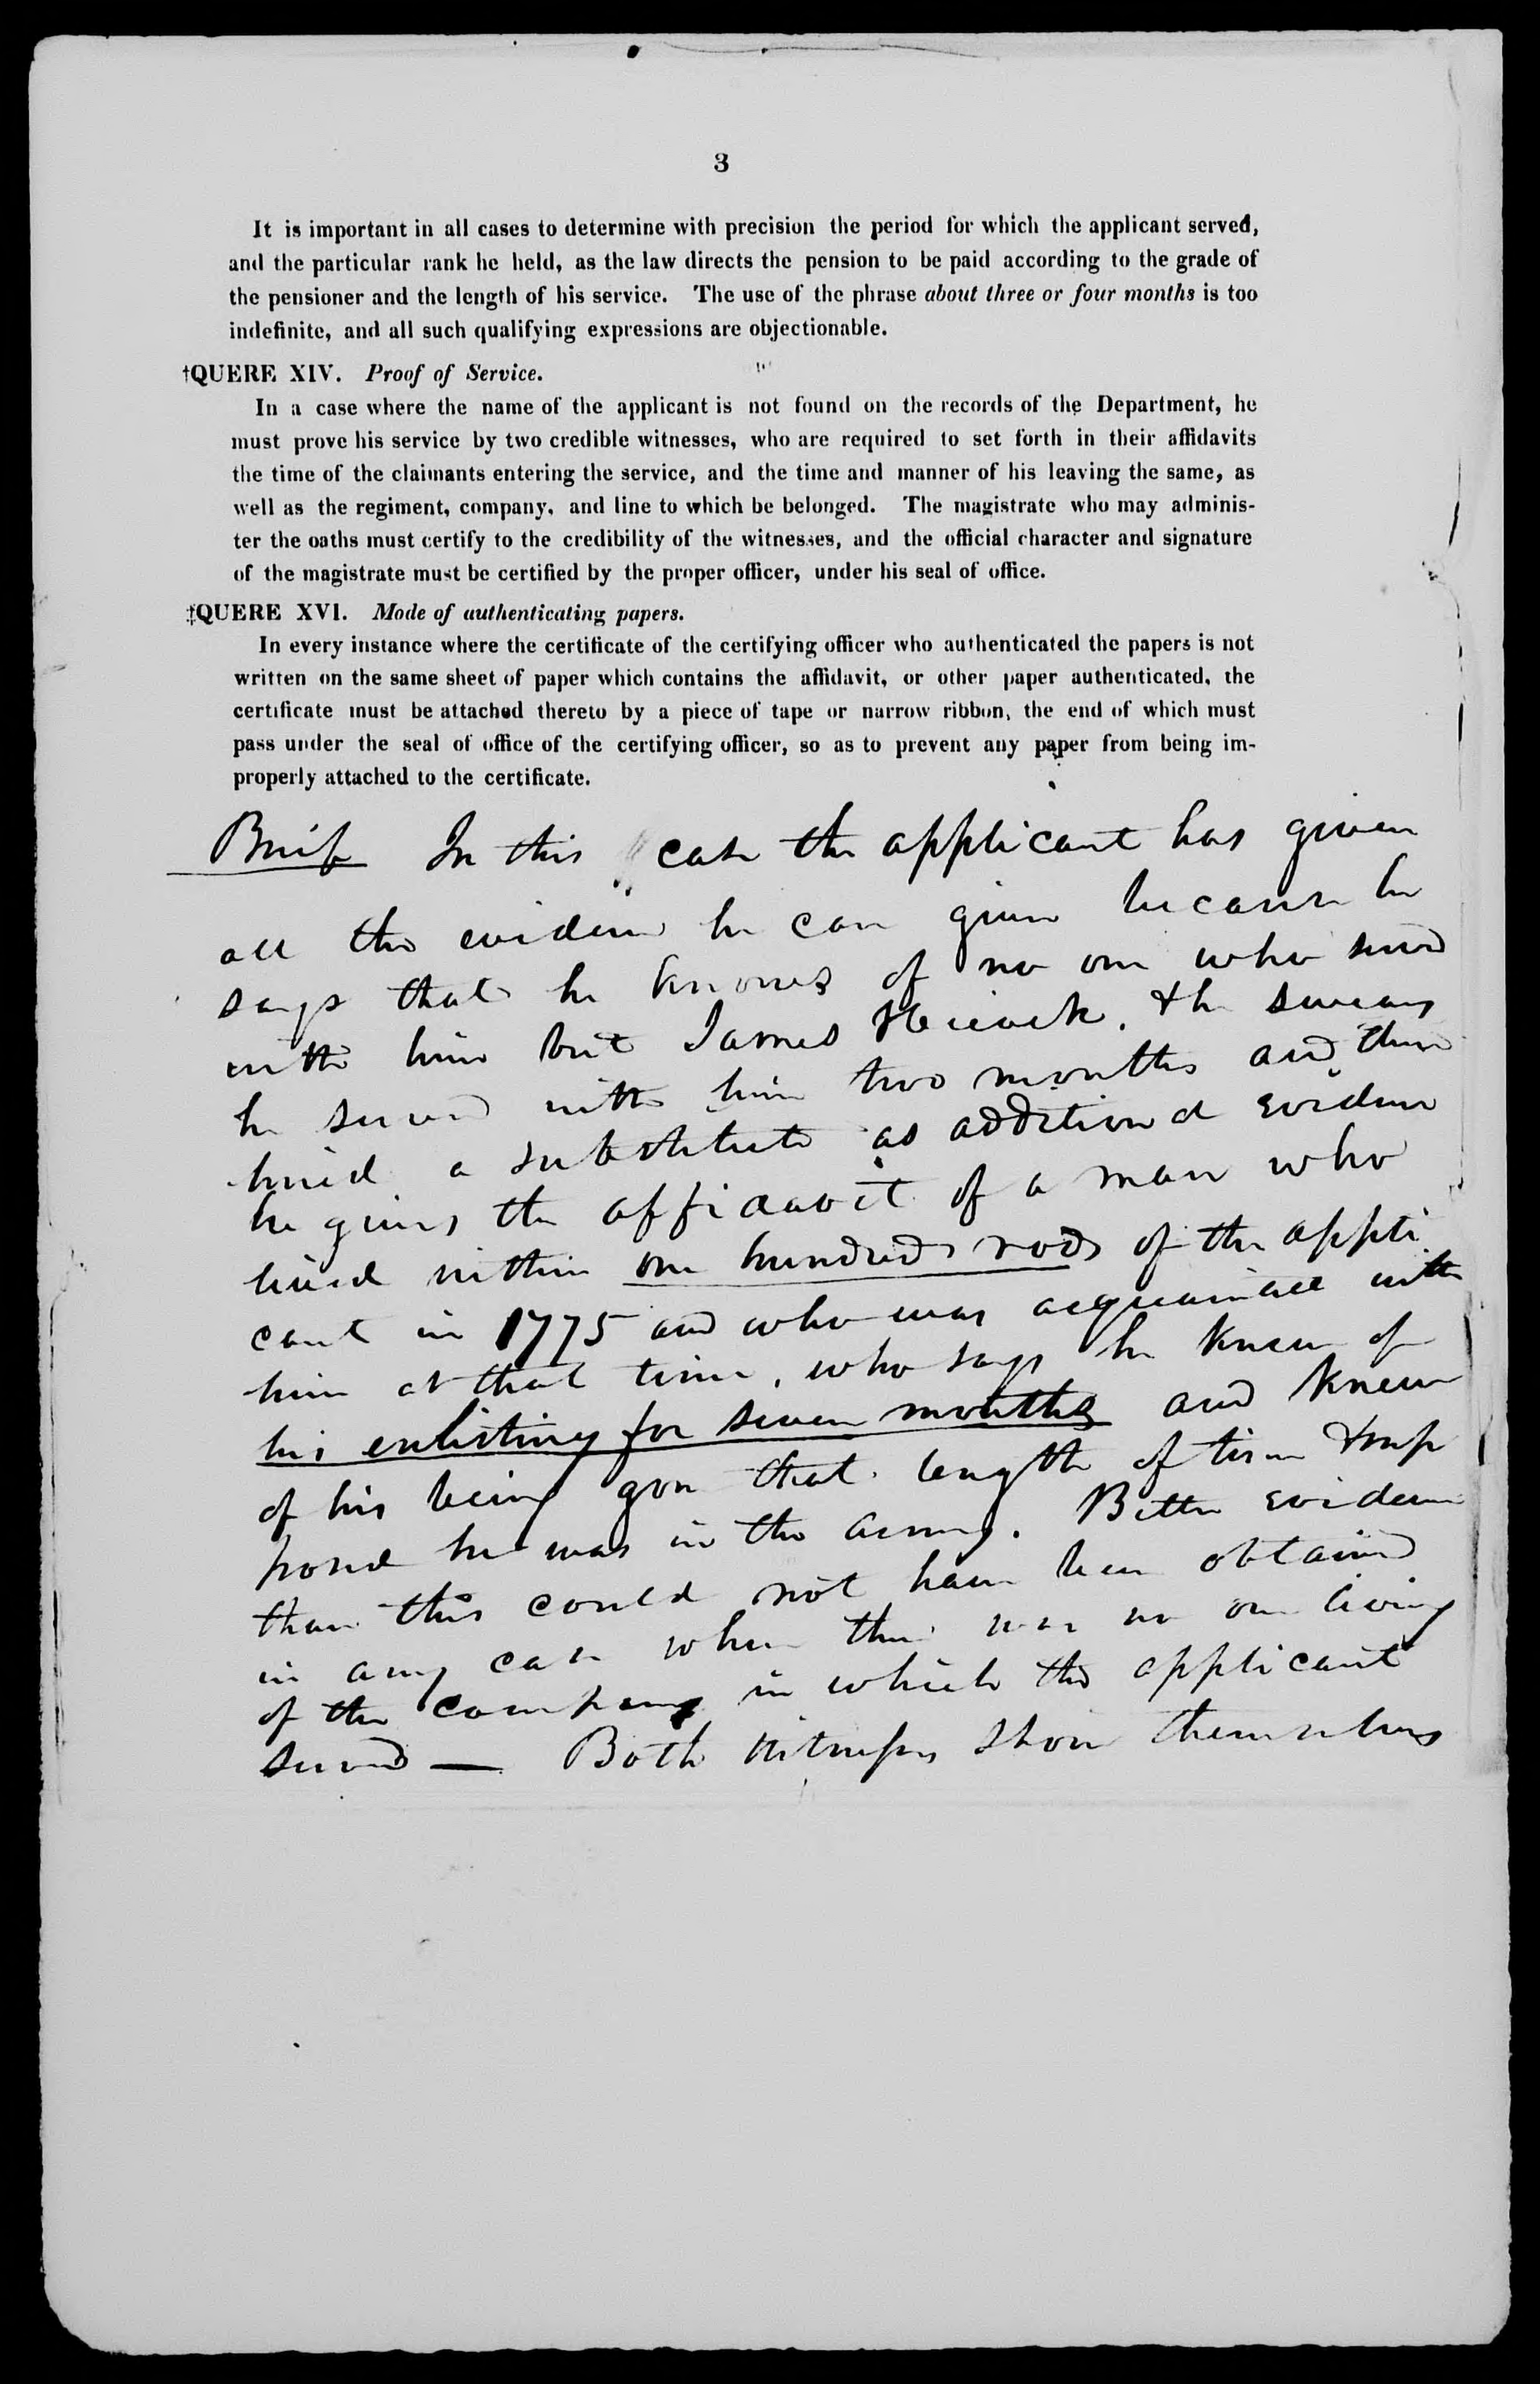3 
It is important in all cases to determine with precision the period for which the applicant served, and the particular rank he held, as the law directs the pension to be paid according to the grade of the pensioner and the length of his service. The use of the phrase about three or four months is too indefinite, and all such qualifying expressions are objectionable. QUERE XIV. Proof of Service. In a case where the name of the applicant is not found on the records of the Department, he must prove his service by two credible witnesses, who are required to set forth in their affidavits the time of the claimants entering the service, and the time and manner of his leaving the same, as well as the regiment, company, and line to which be belonged. The magistrate who may administer the oaths must certify to the credibility of the witnesses, and the official character and signature of the magistrate must be certified by the proper officer, under his seal of office. 
QUERE XVI. Mode of authenticating papers. In every instance where the certificate of the certifying officer who authenticated the papers is not written on the same sheet of paper which contains the affidavit, or other paper authenticated, the certificate must be attached thereto by a piece of tape or narrow ribbon, the end of which must pass under the seal of office of the certifying officer, so as to prevent any paper from being improperly attached to the certificate. 
Brief | In this case the applicant has given all the evidence he can give because he says that he knows of no one who was with him but James Hickcox & he swears he served with him two months and then hired a substitute as additional evidence he gives the affidavit of a man who lived within one hundred rods of the applicant in 1775 and who was acquainted with him at that time, who says he knew of his enlisting for seven months and knew of his being gone that length of time from home he was in the Army. Better evidence than this could not have been obtain in any case when this was no one living of the company in which the applicant served - Both Witnesses show themselves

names: James Hicock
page: 23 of 45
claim: survivor's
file: S. 15748, Elihu Benham, Conn.